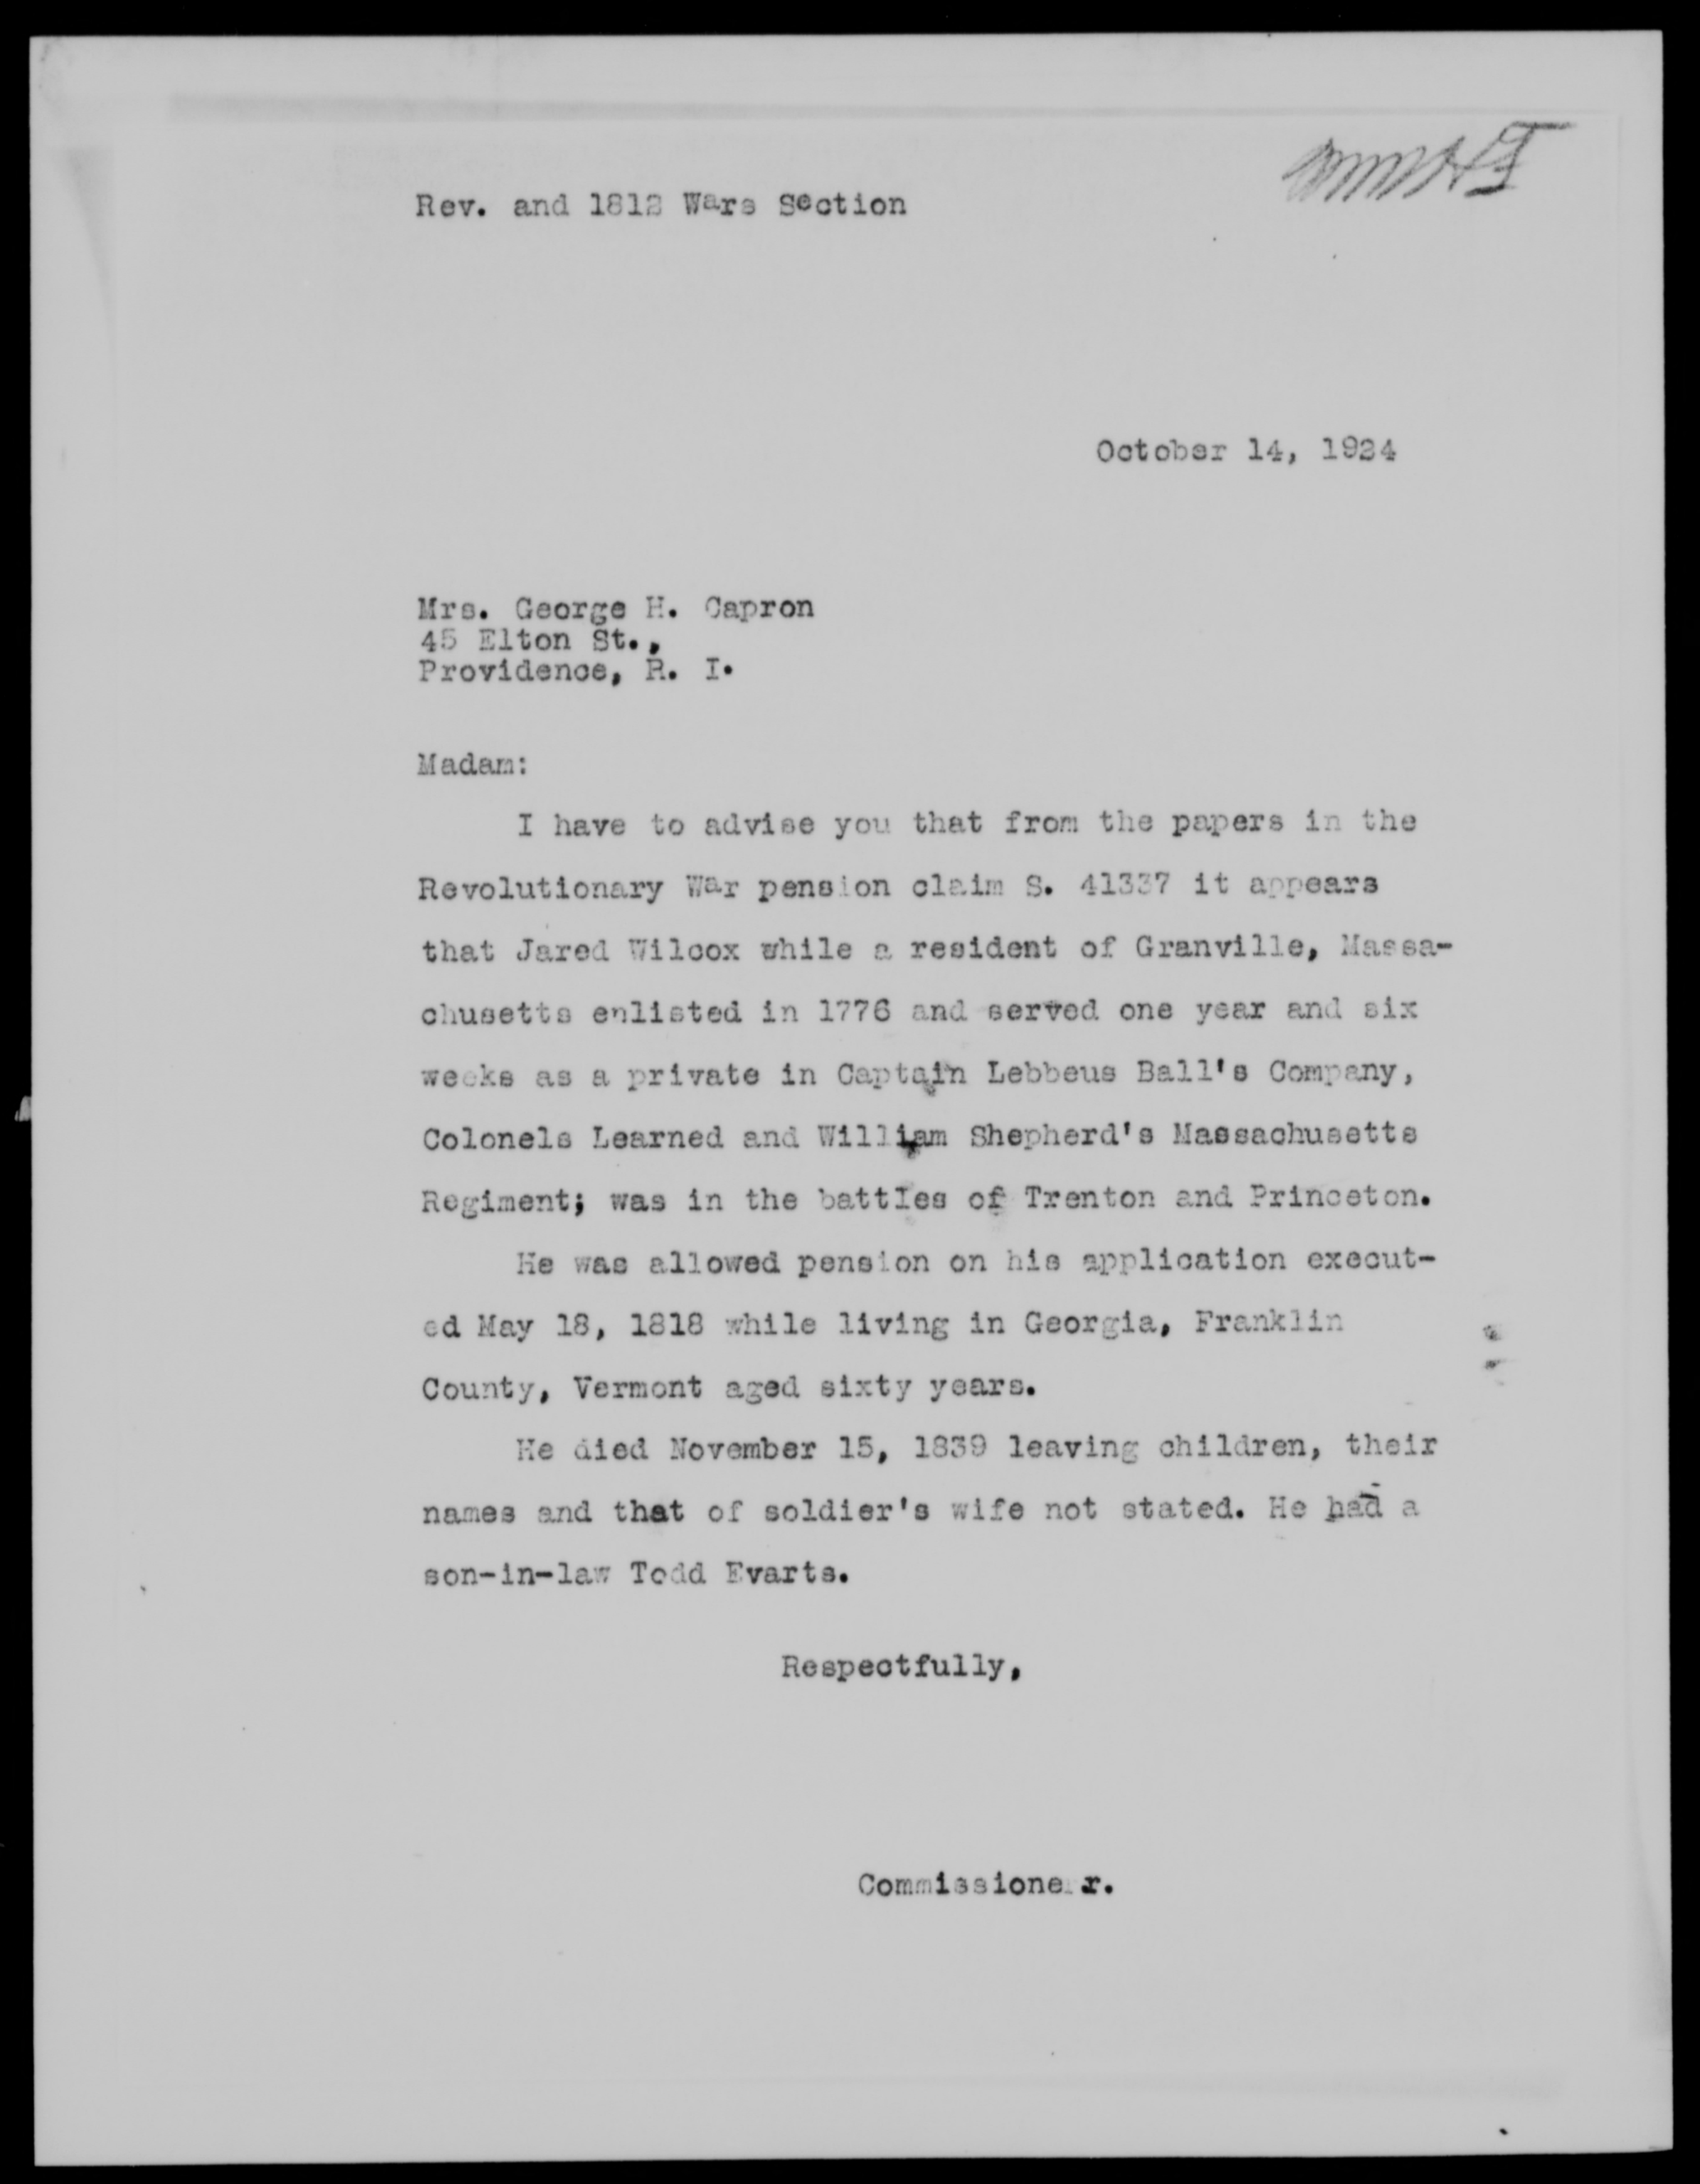(Illegible Initials - right hand upper corner)

Rev. and 1818 Wars Section

October 14, 1924

Mrs. George H. Capron
45 Elton St.
Providence, R.I.

Madam:

I have to advise you that from the papers in the
Revolutionary War pension claim S. 41337 it appears
that Jared Wilcox while a resident of Granville, 
Massachusetts enlisted in 1776 and served one year and six
weeks as a private in Captain Lebbeus Ball's Company,
Colonels Learned and William Shepherd's Massachusetts
Regiment; was in the battles of Trenton and Princeton.

He was allowed pension on his application executed
May 18, 1818 while living in Georgia, Franklin
County, Vermont aged sixty years.

He died November 15, 1839 leaving children, their
names and that of soldier's wife not stated. He had a
son-in-law Todd Evarts.

Respectfully,
(blank)
Commissioner.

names: George H Capron, Jared Wilcox, Todd Evarts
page: 10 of 34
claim: survivor's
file: S. 41337, Jared Wilcox, Continental Mass.